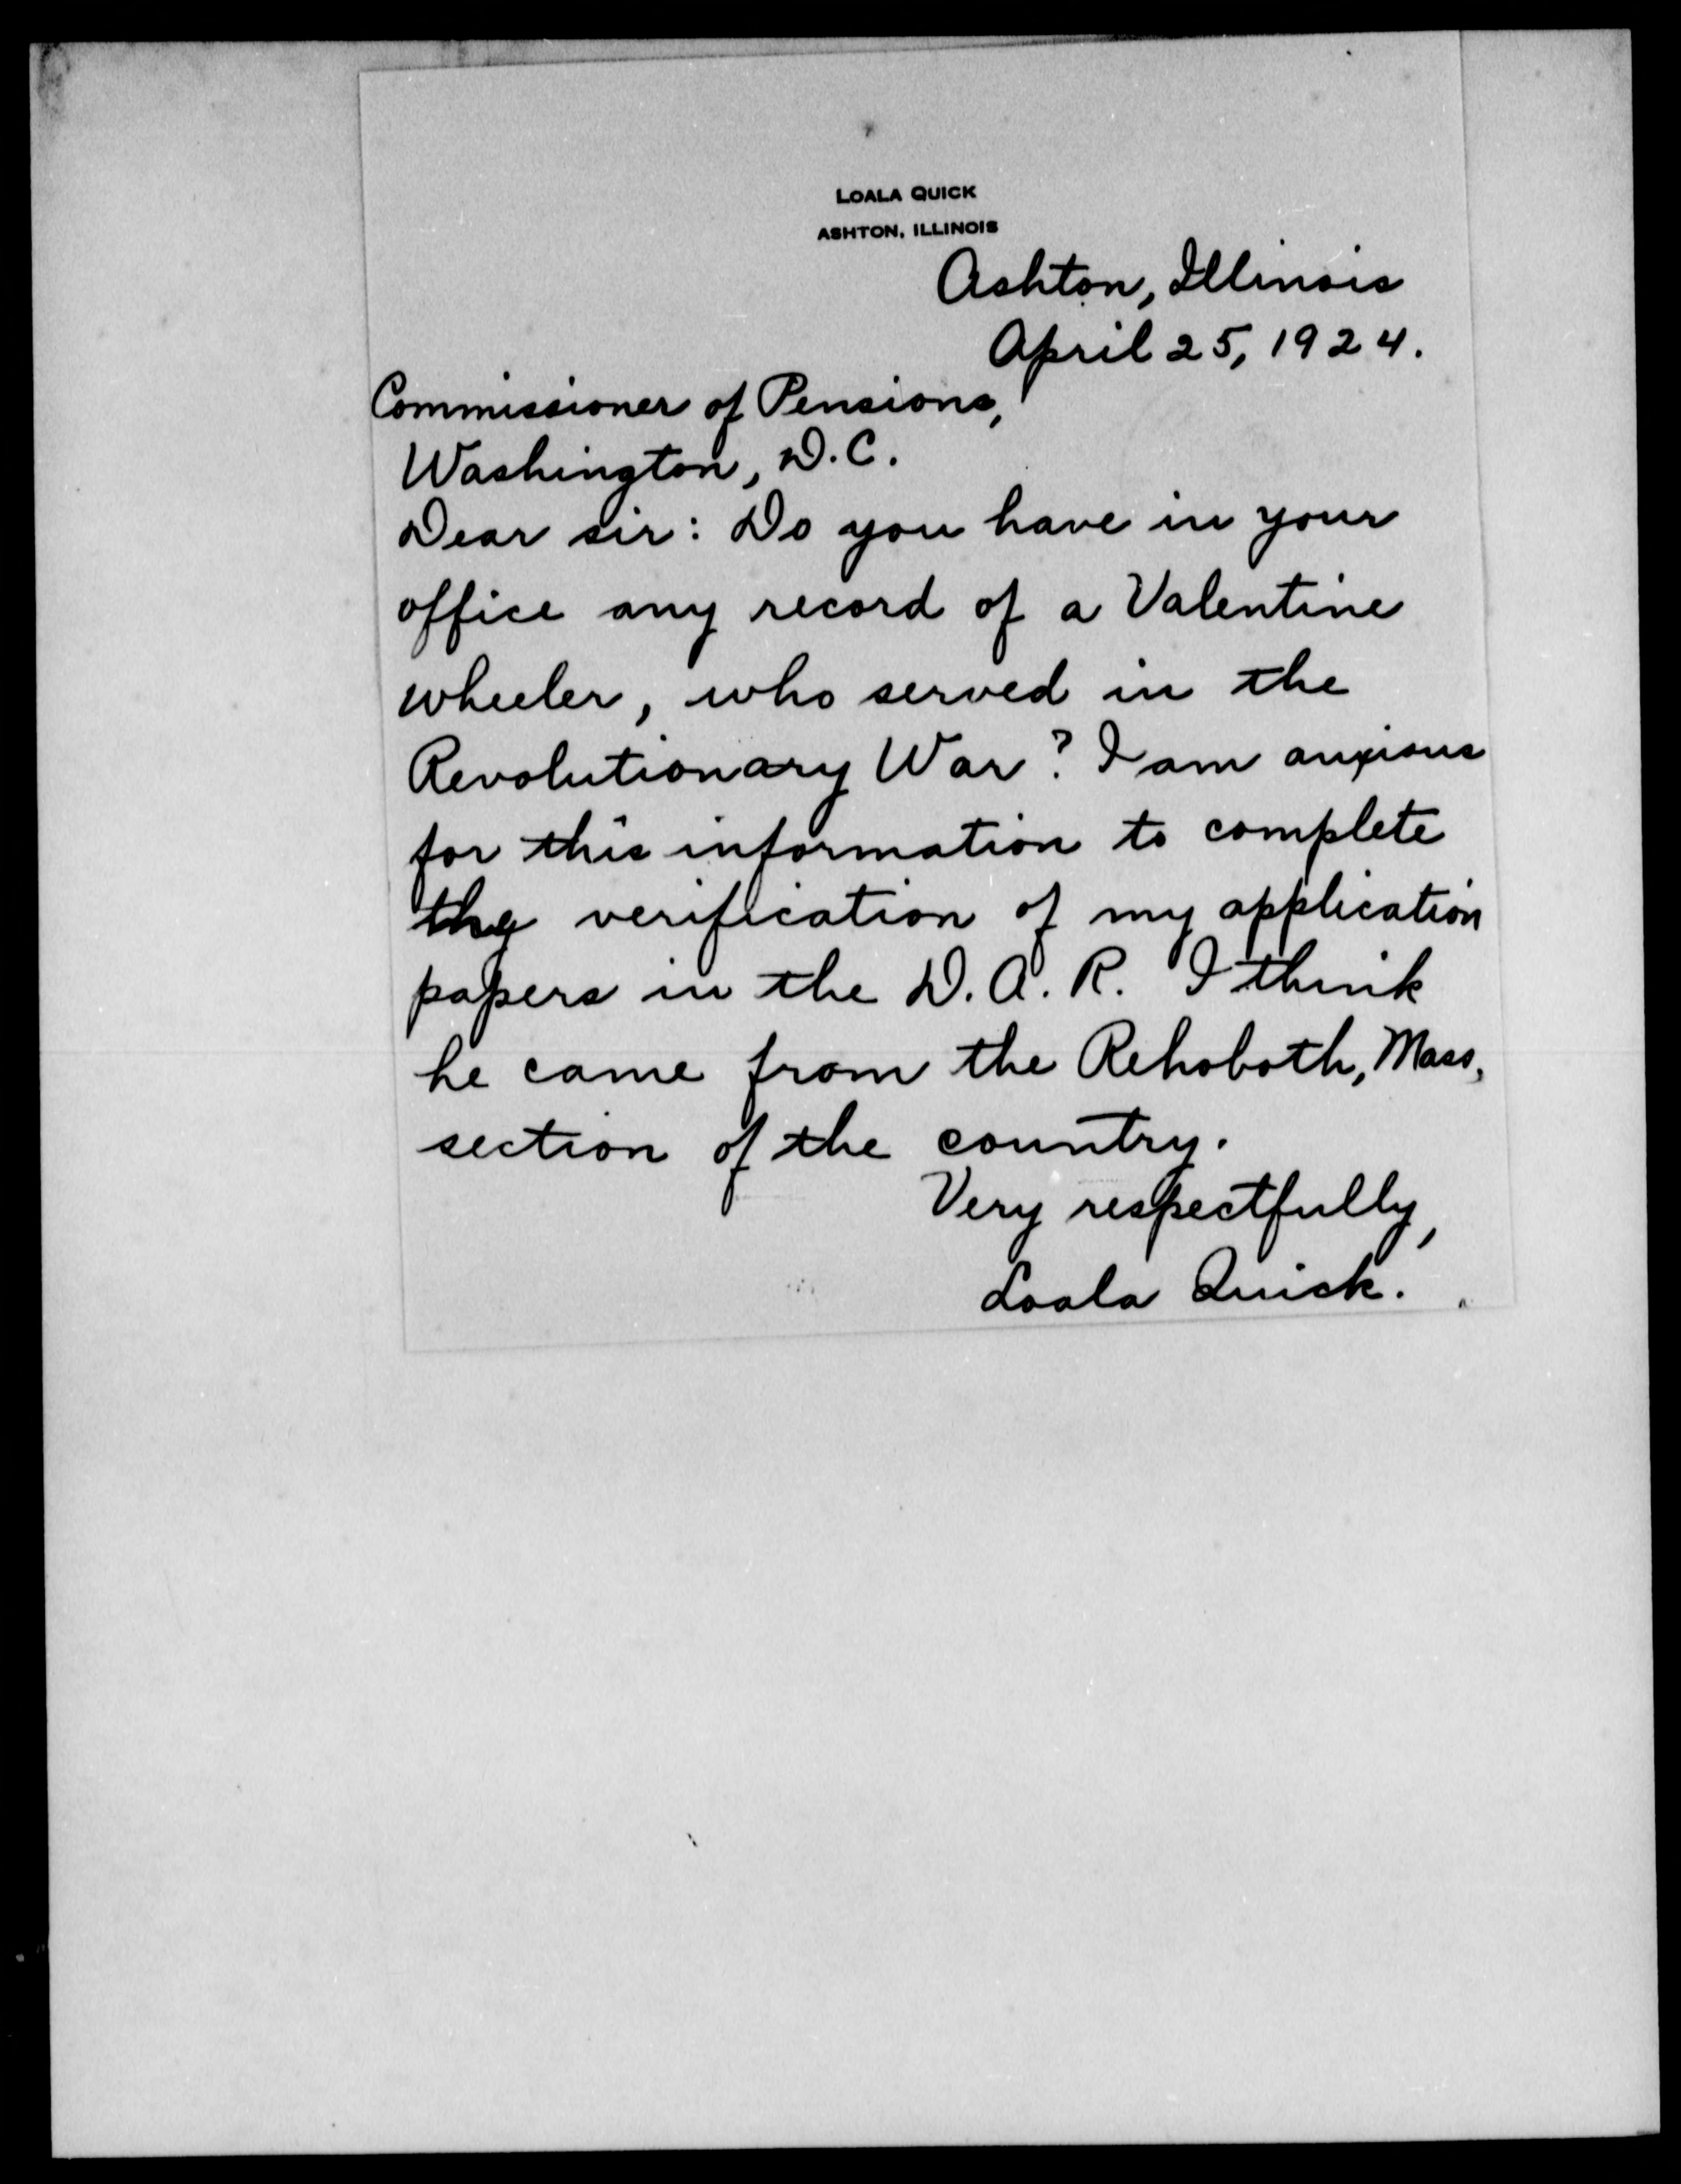Loala Quick
Ashton, Illinois

Ashton, Illinois
April 25, 1924

Commissioner of Pensions
Washington D. C. 

Dear Sir: Do you have in your office any record of a Valentine Wheeler, who served in the Revolutionary War? I am anxious for this information to complete the verification of my application papers in the D. A. R. I think he came from the Rehoboth, Mass. section of the country.
Very respectfully,
Loala Quick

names: Loala Quick, Valentine Wheeler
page: 50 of 98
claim: widow's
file: W. 1682, Valentine Wheeler, Mass.